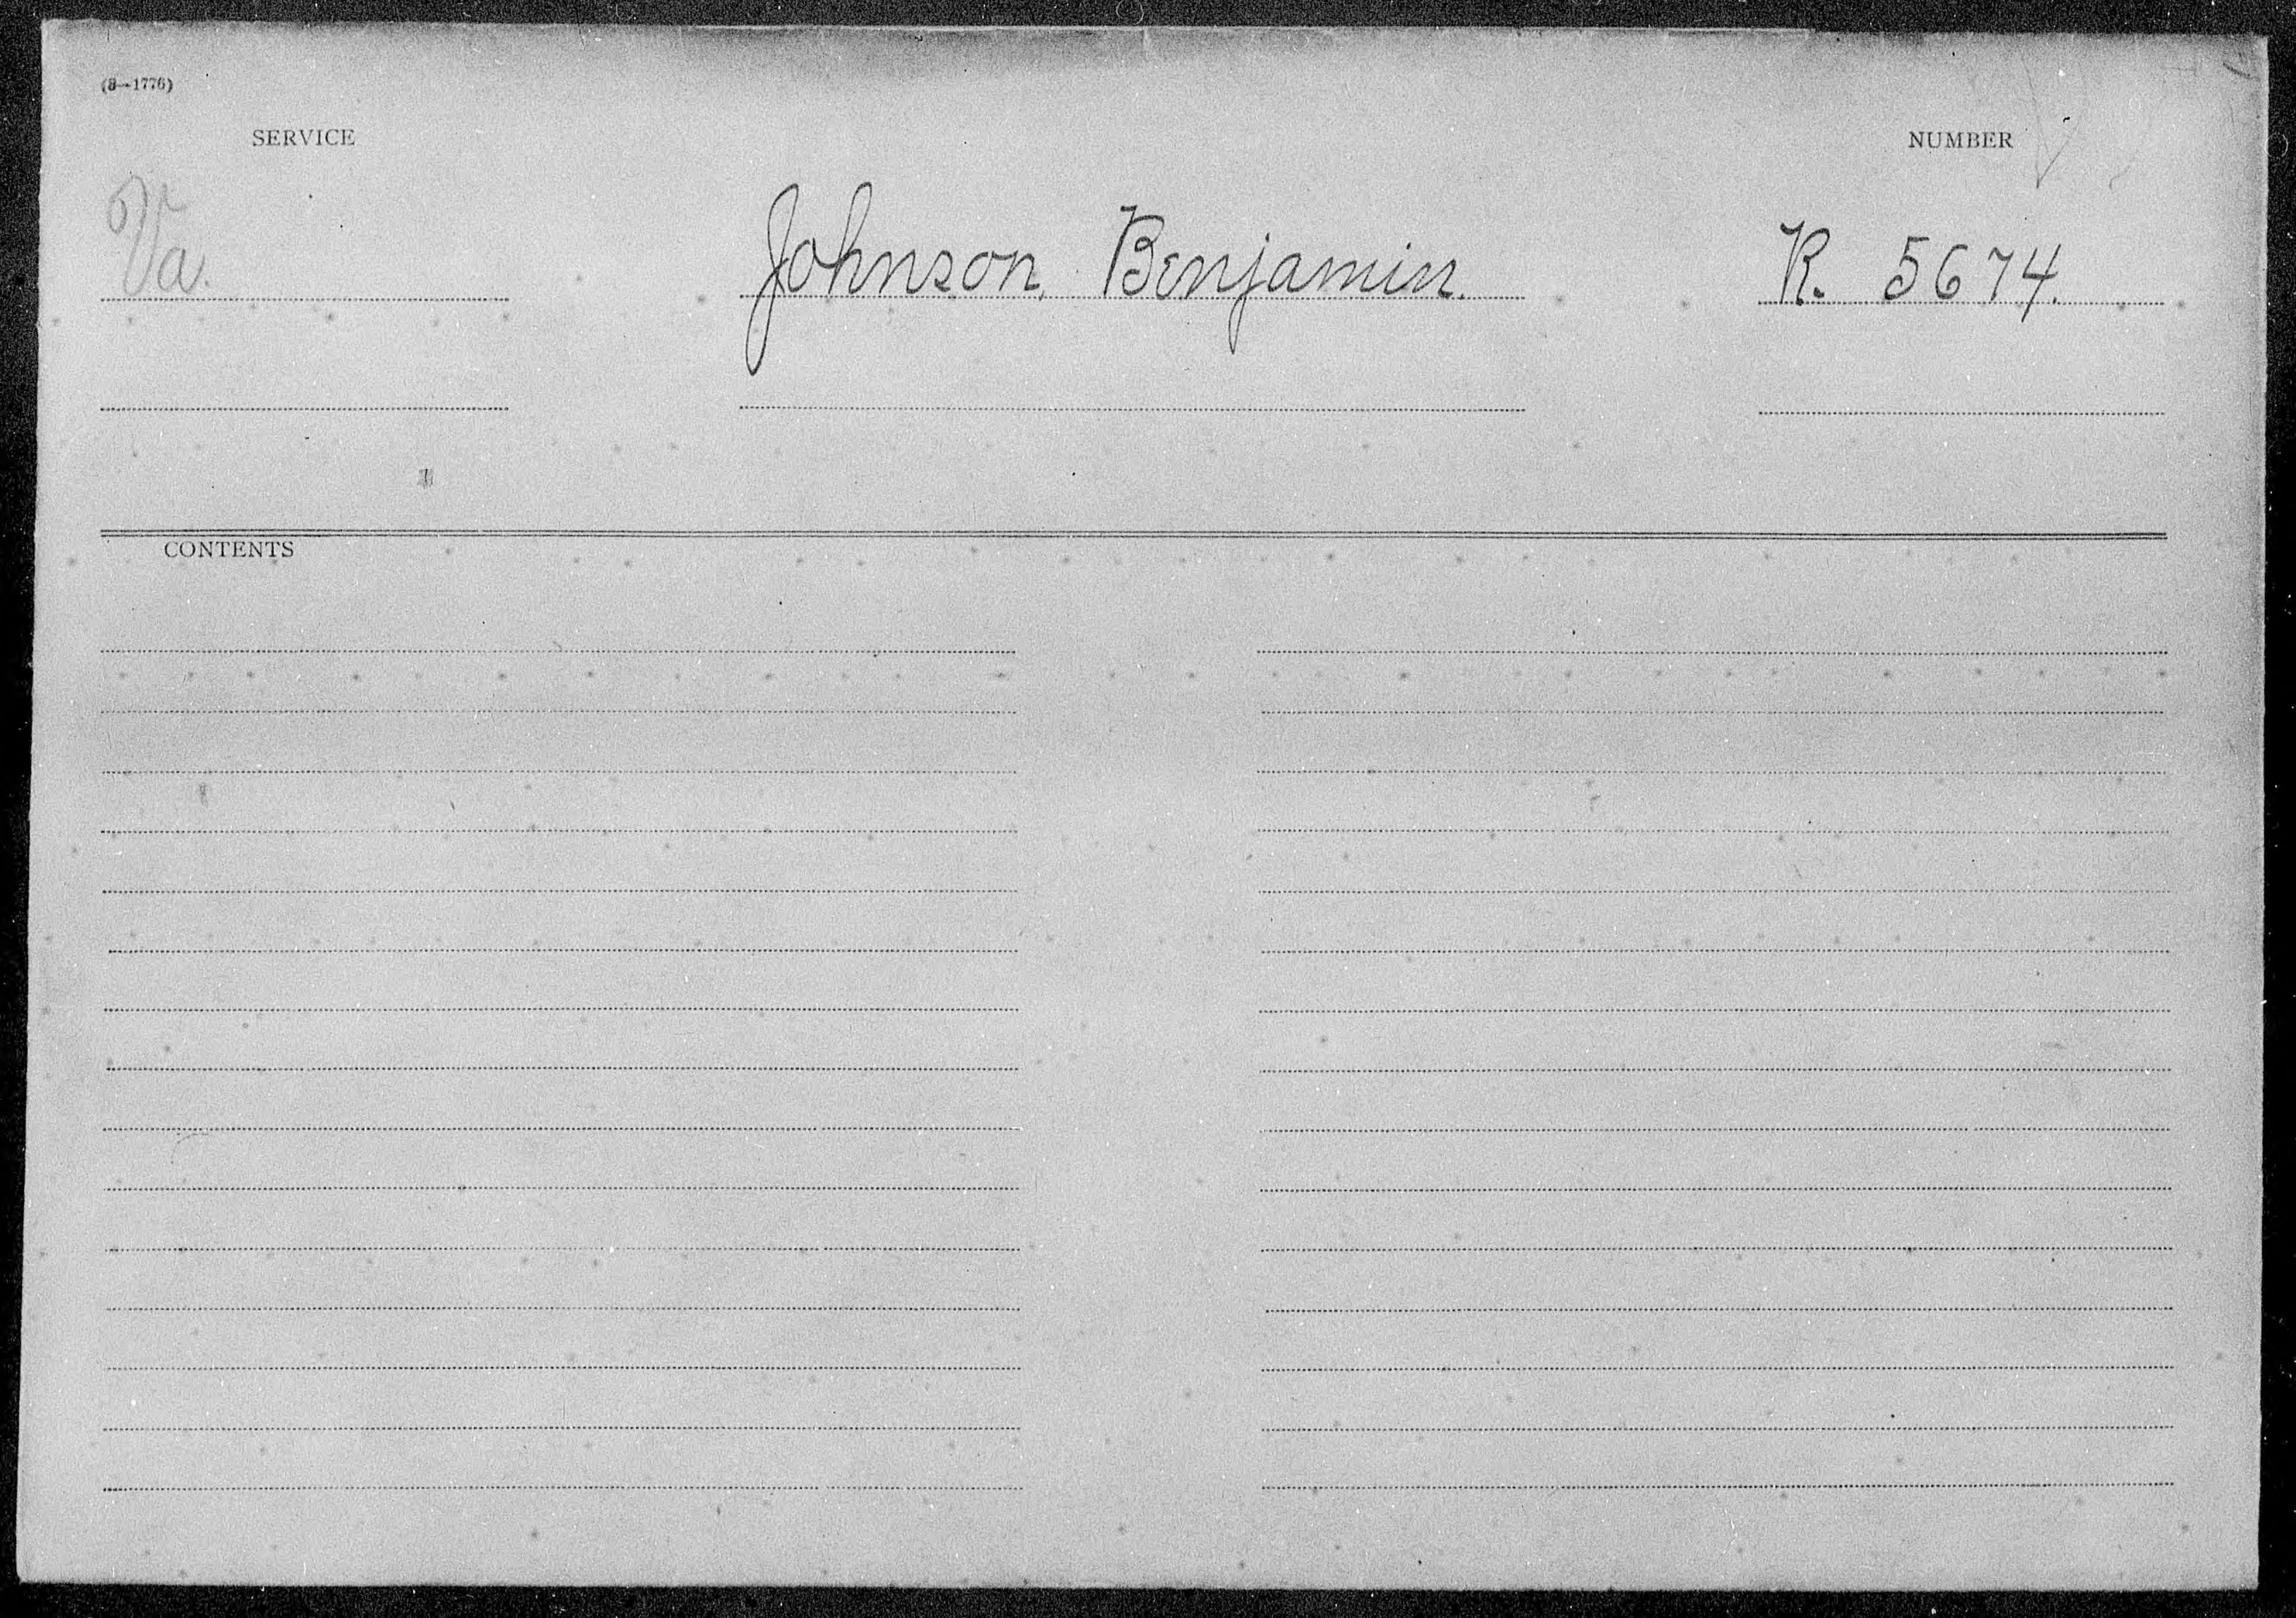VA. Johnson, Benjamin (R. 5674)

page: 1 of 17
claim: rejected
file: R. 5674, for Benjamin Johnson, Virginia